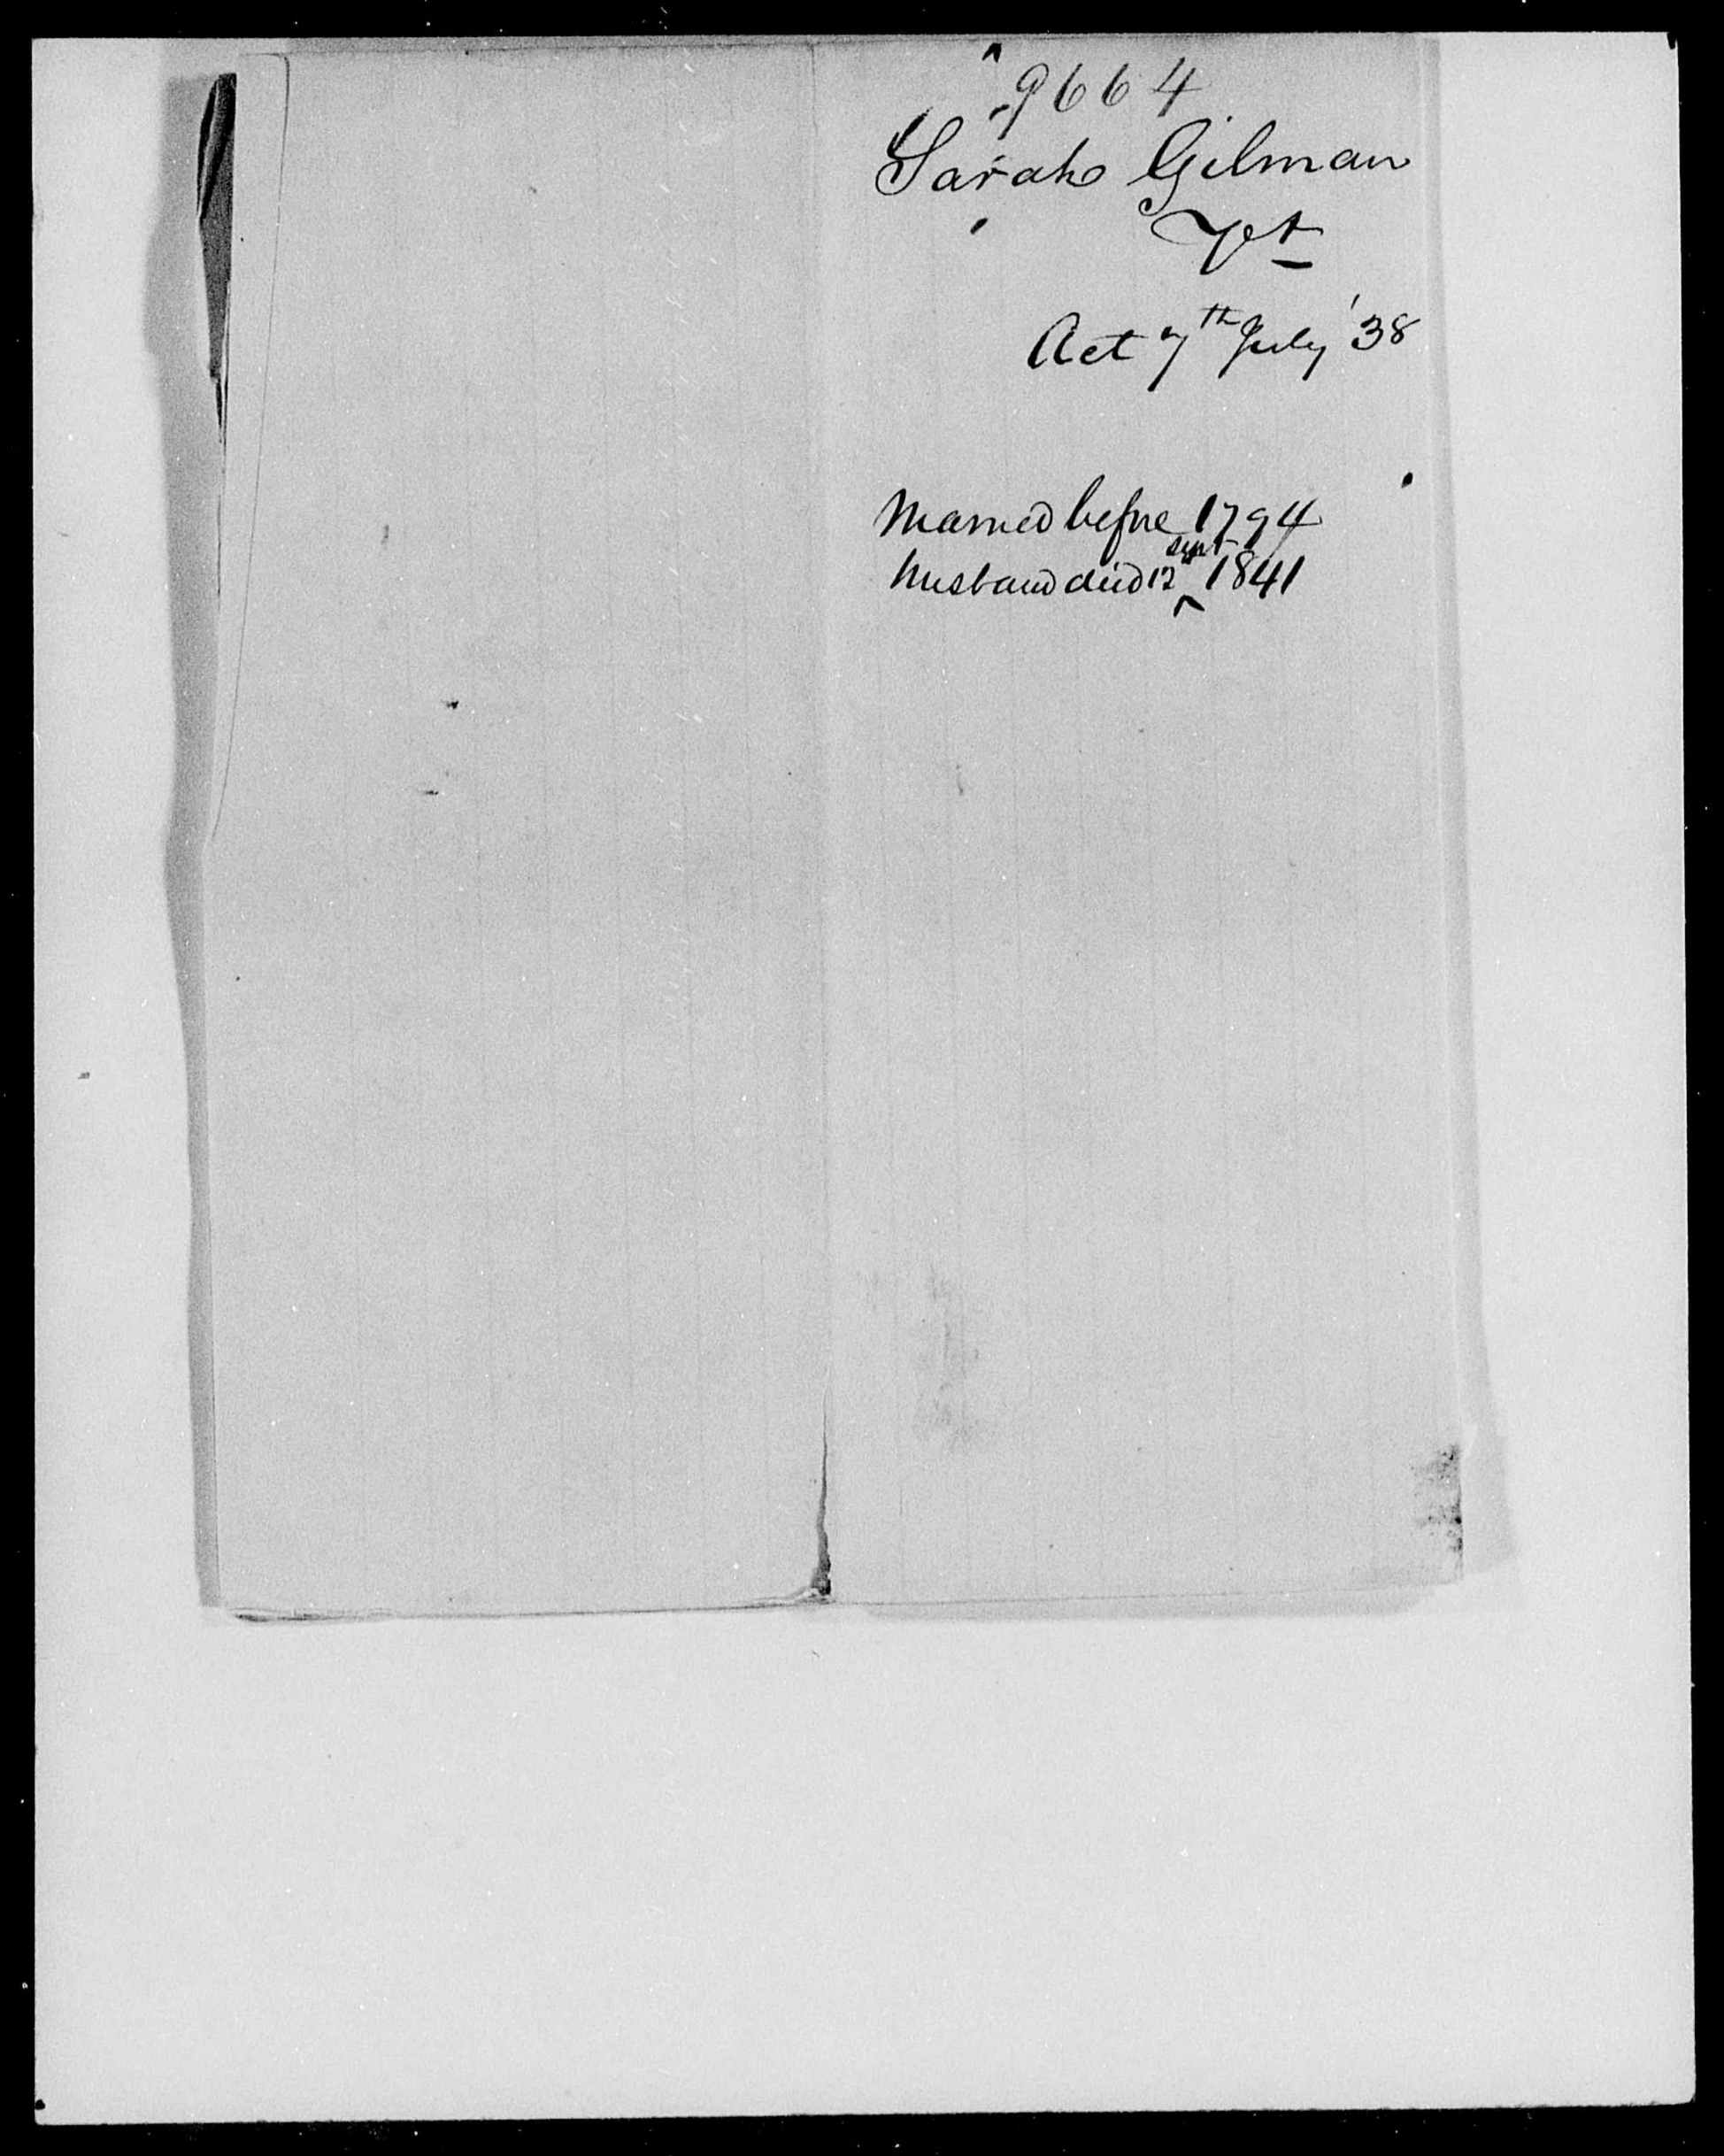9664
Sarah Gilman
Vt
Act of 7th July '38

married before 1794
husband died 12 Sept 1841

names: Sarah Gilman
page: 4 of 61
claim: widow's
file: W. 19500, Samuel Thing Gilman, Continental N.H.